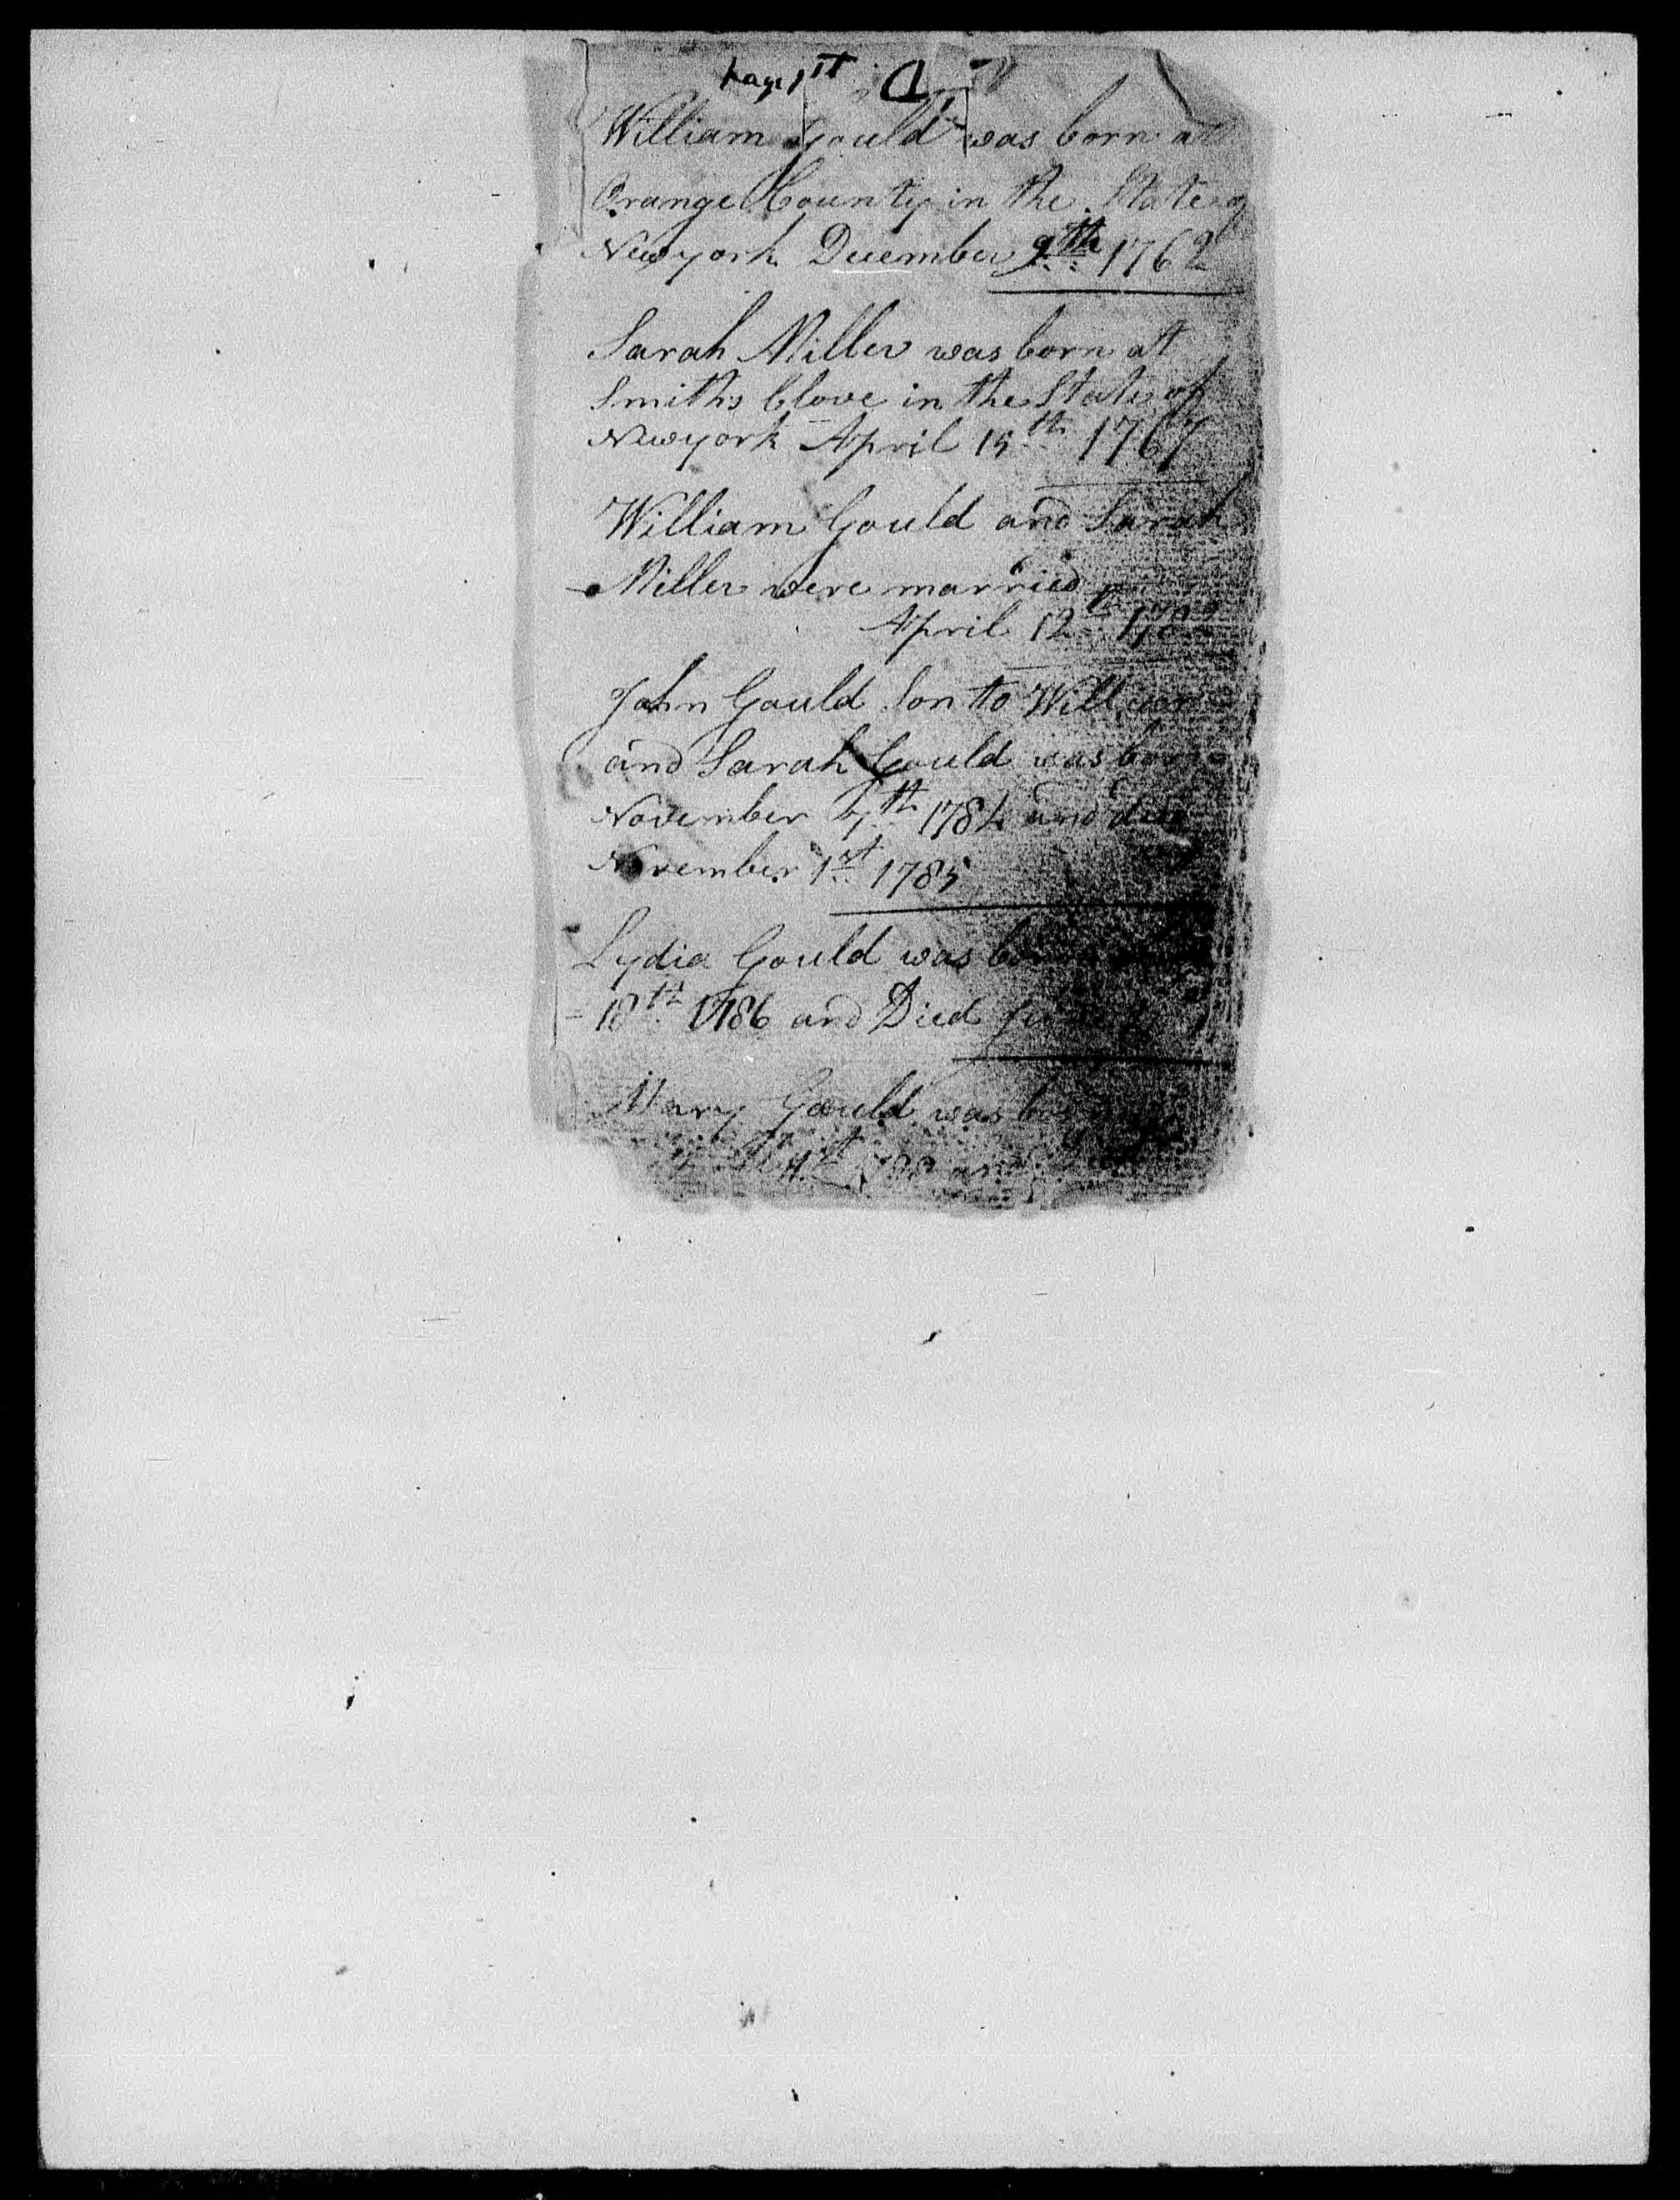[illegible]

William Gould was born in Orange County in the State of New York December 9th 1762

Sarah Miller was born at Smith's Clove[?] in the State of New York April 19th 1767

William Gould and Sarah Miller were married April 12th 1782

John Gould Son to William and Sarah Gould was born November 4th 1784 and died November 1st 1785

Lydia Gould was born [illegible]
18th 1786 and Died [illegible]

Mary Gould was born [illegible]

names: Sarah Gould, Sarah Miller, Lydia Gould, Mary Gould, William Gould, William Gould, John Gould, Sarah Miller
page: 2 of 20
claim: rejected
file: R. 4,161, William Gould, New York